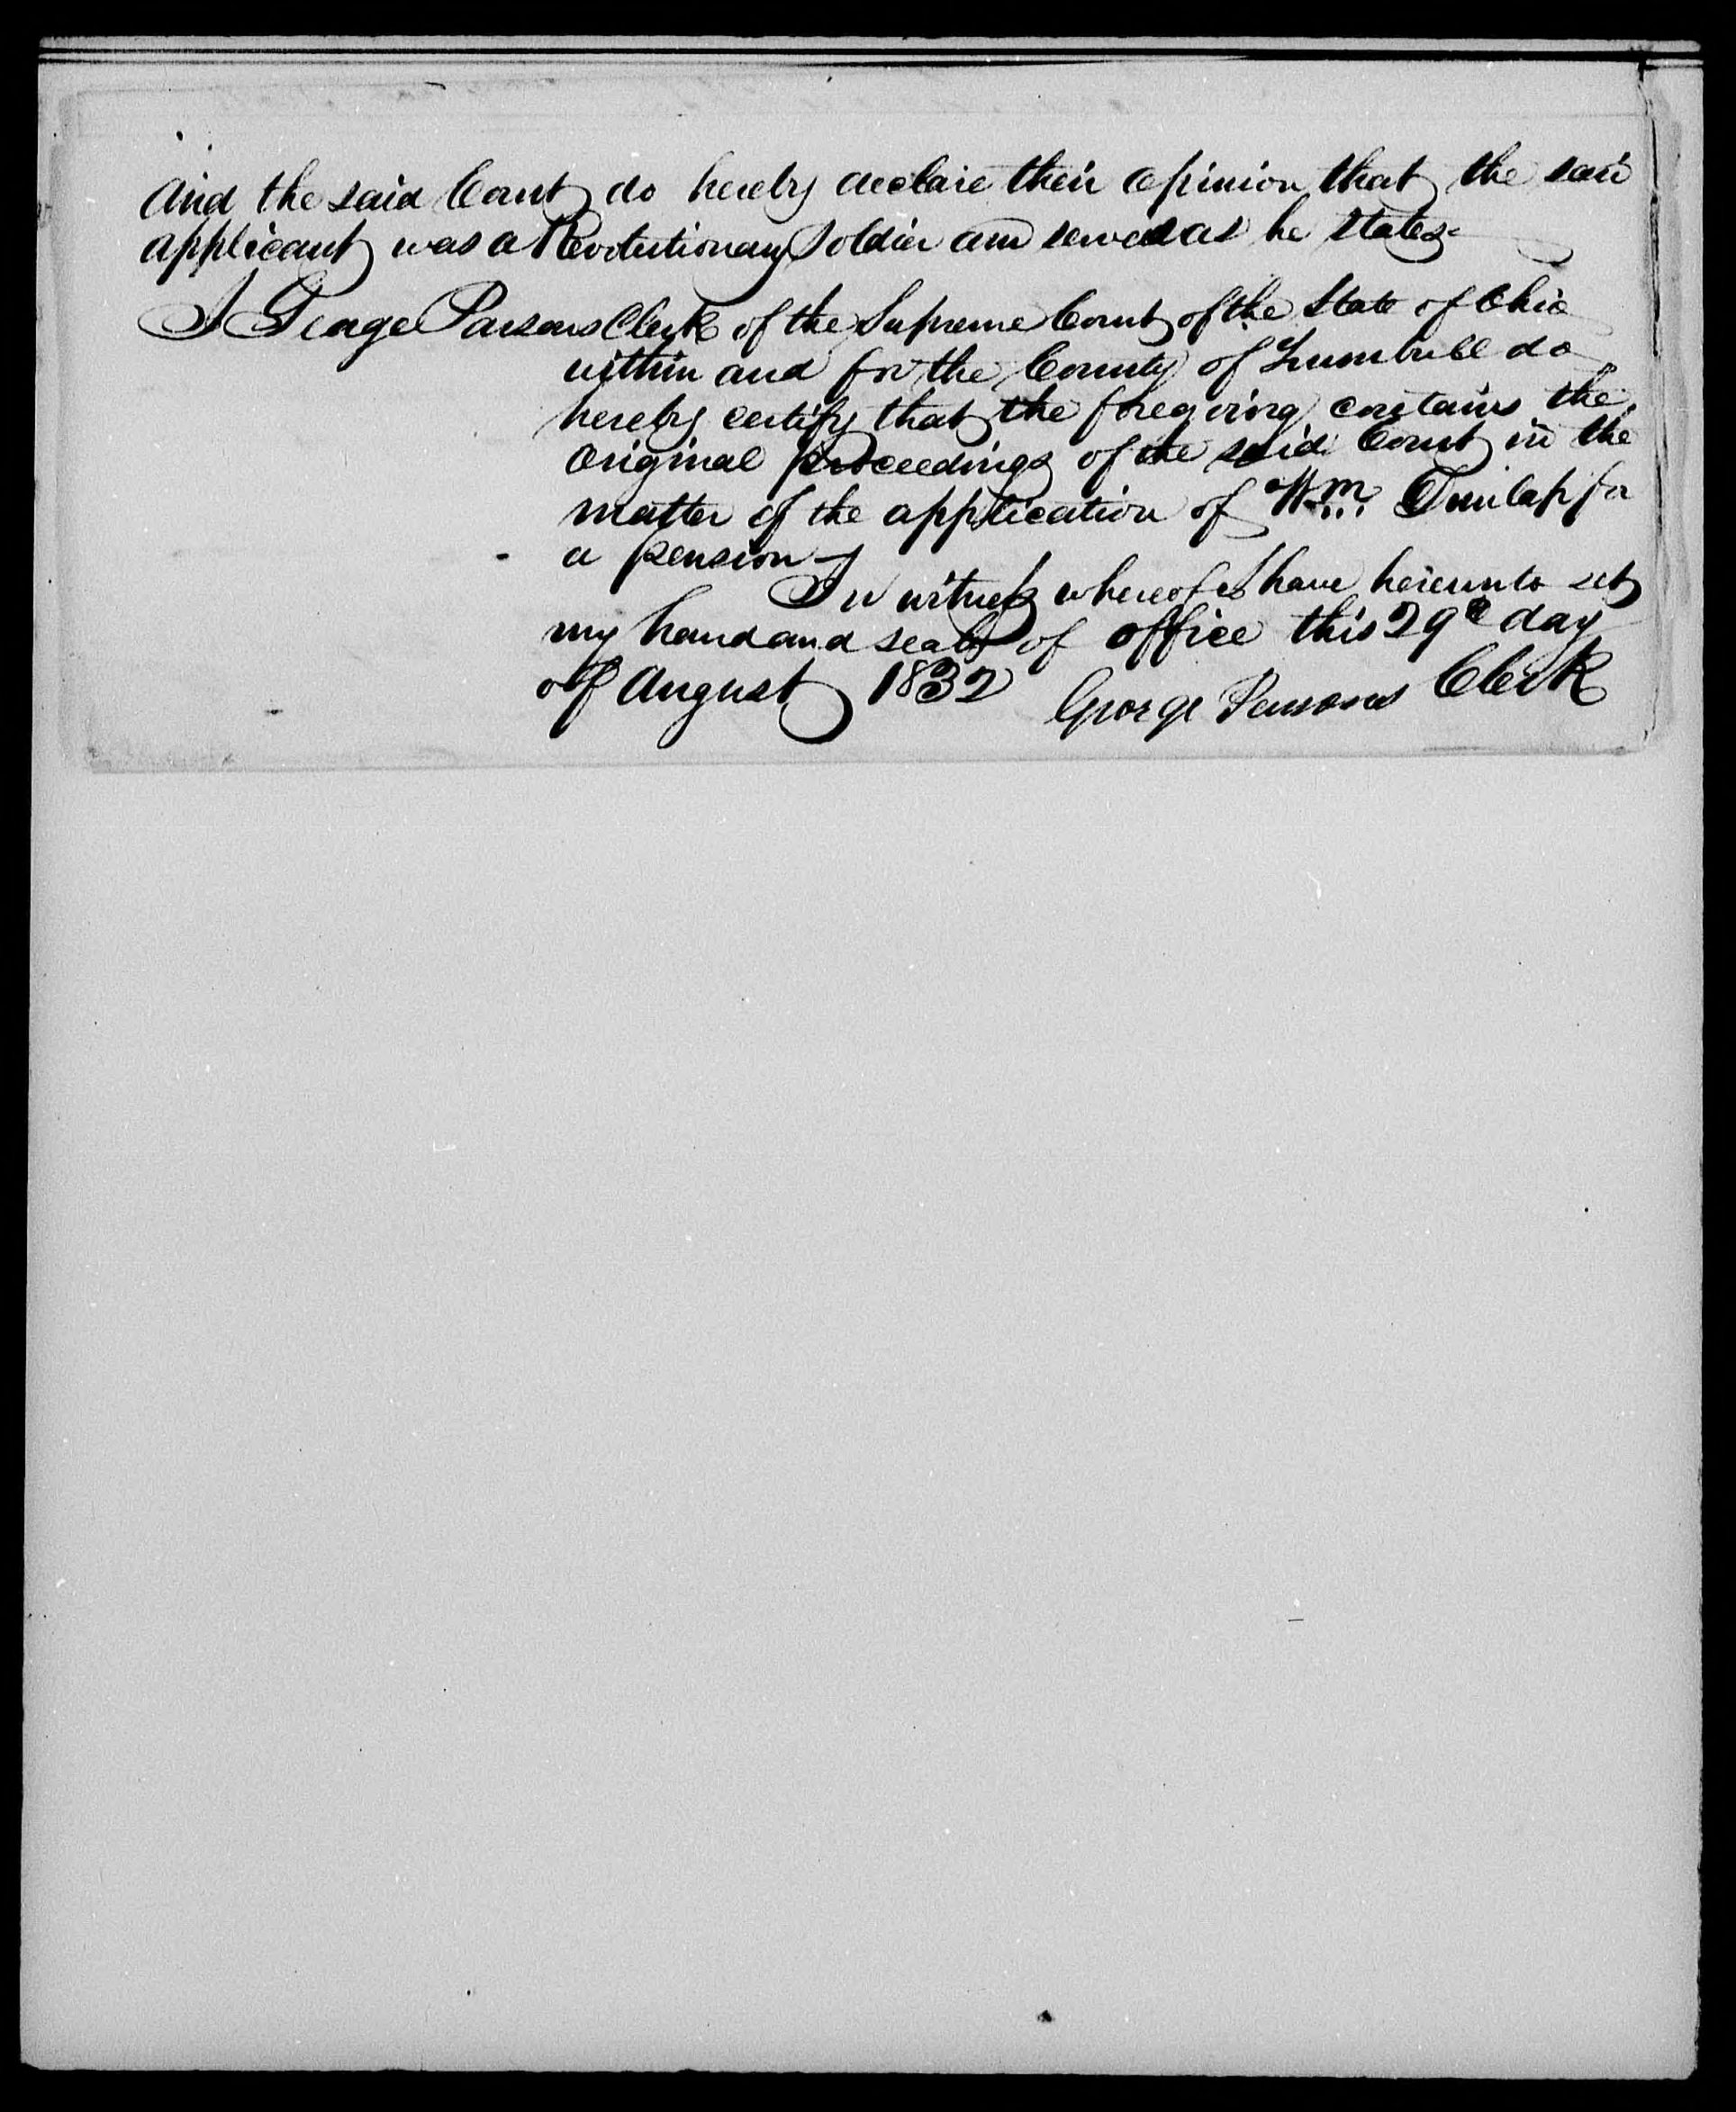and the said Court do
hereby declare their opinion that the said
applicant was a Revolutionary soldier and served as he states
I George Parsons Clerk of the Supreme Court of the State of Ohio
within and for the County of Trumbull do
hereby certify that the foregoing contains the
original proceedings of the said Court in the
matter of the application of Wm Dunlap for
a pension
In witness whereof I have hereunto set
my hand and seal of office this 29th day
of August 1832
George Parsons Clerk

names: George Parsons, George Parsons, Wm Dunlap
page: 7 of 24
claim: survivor's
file: S. 15,415, William Dunlap, Penn.